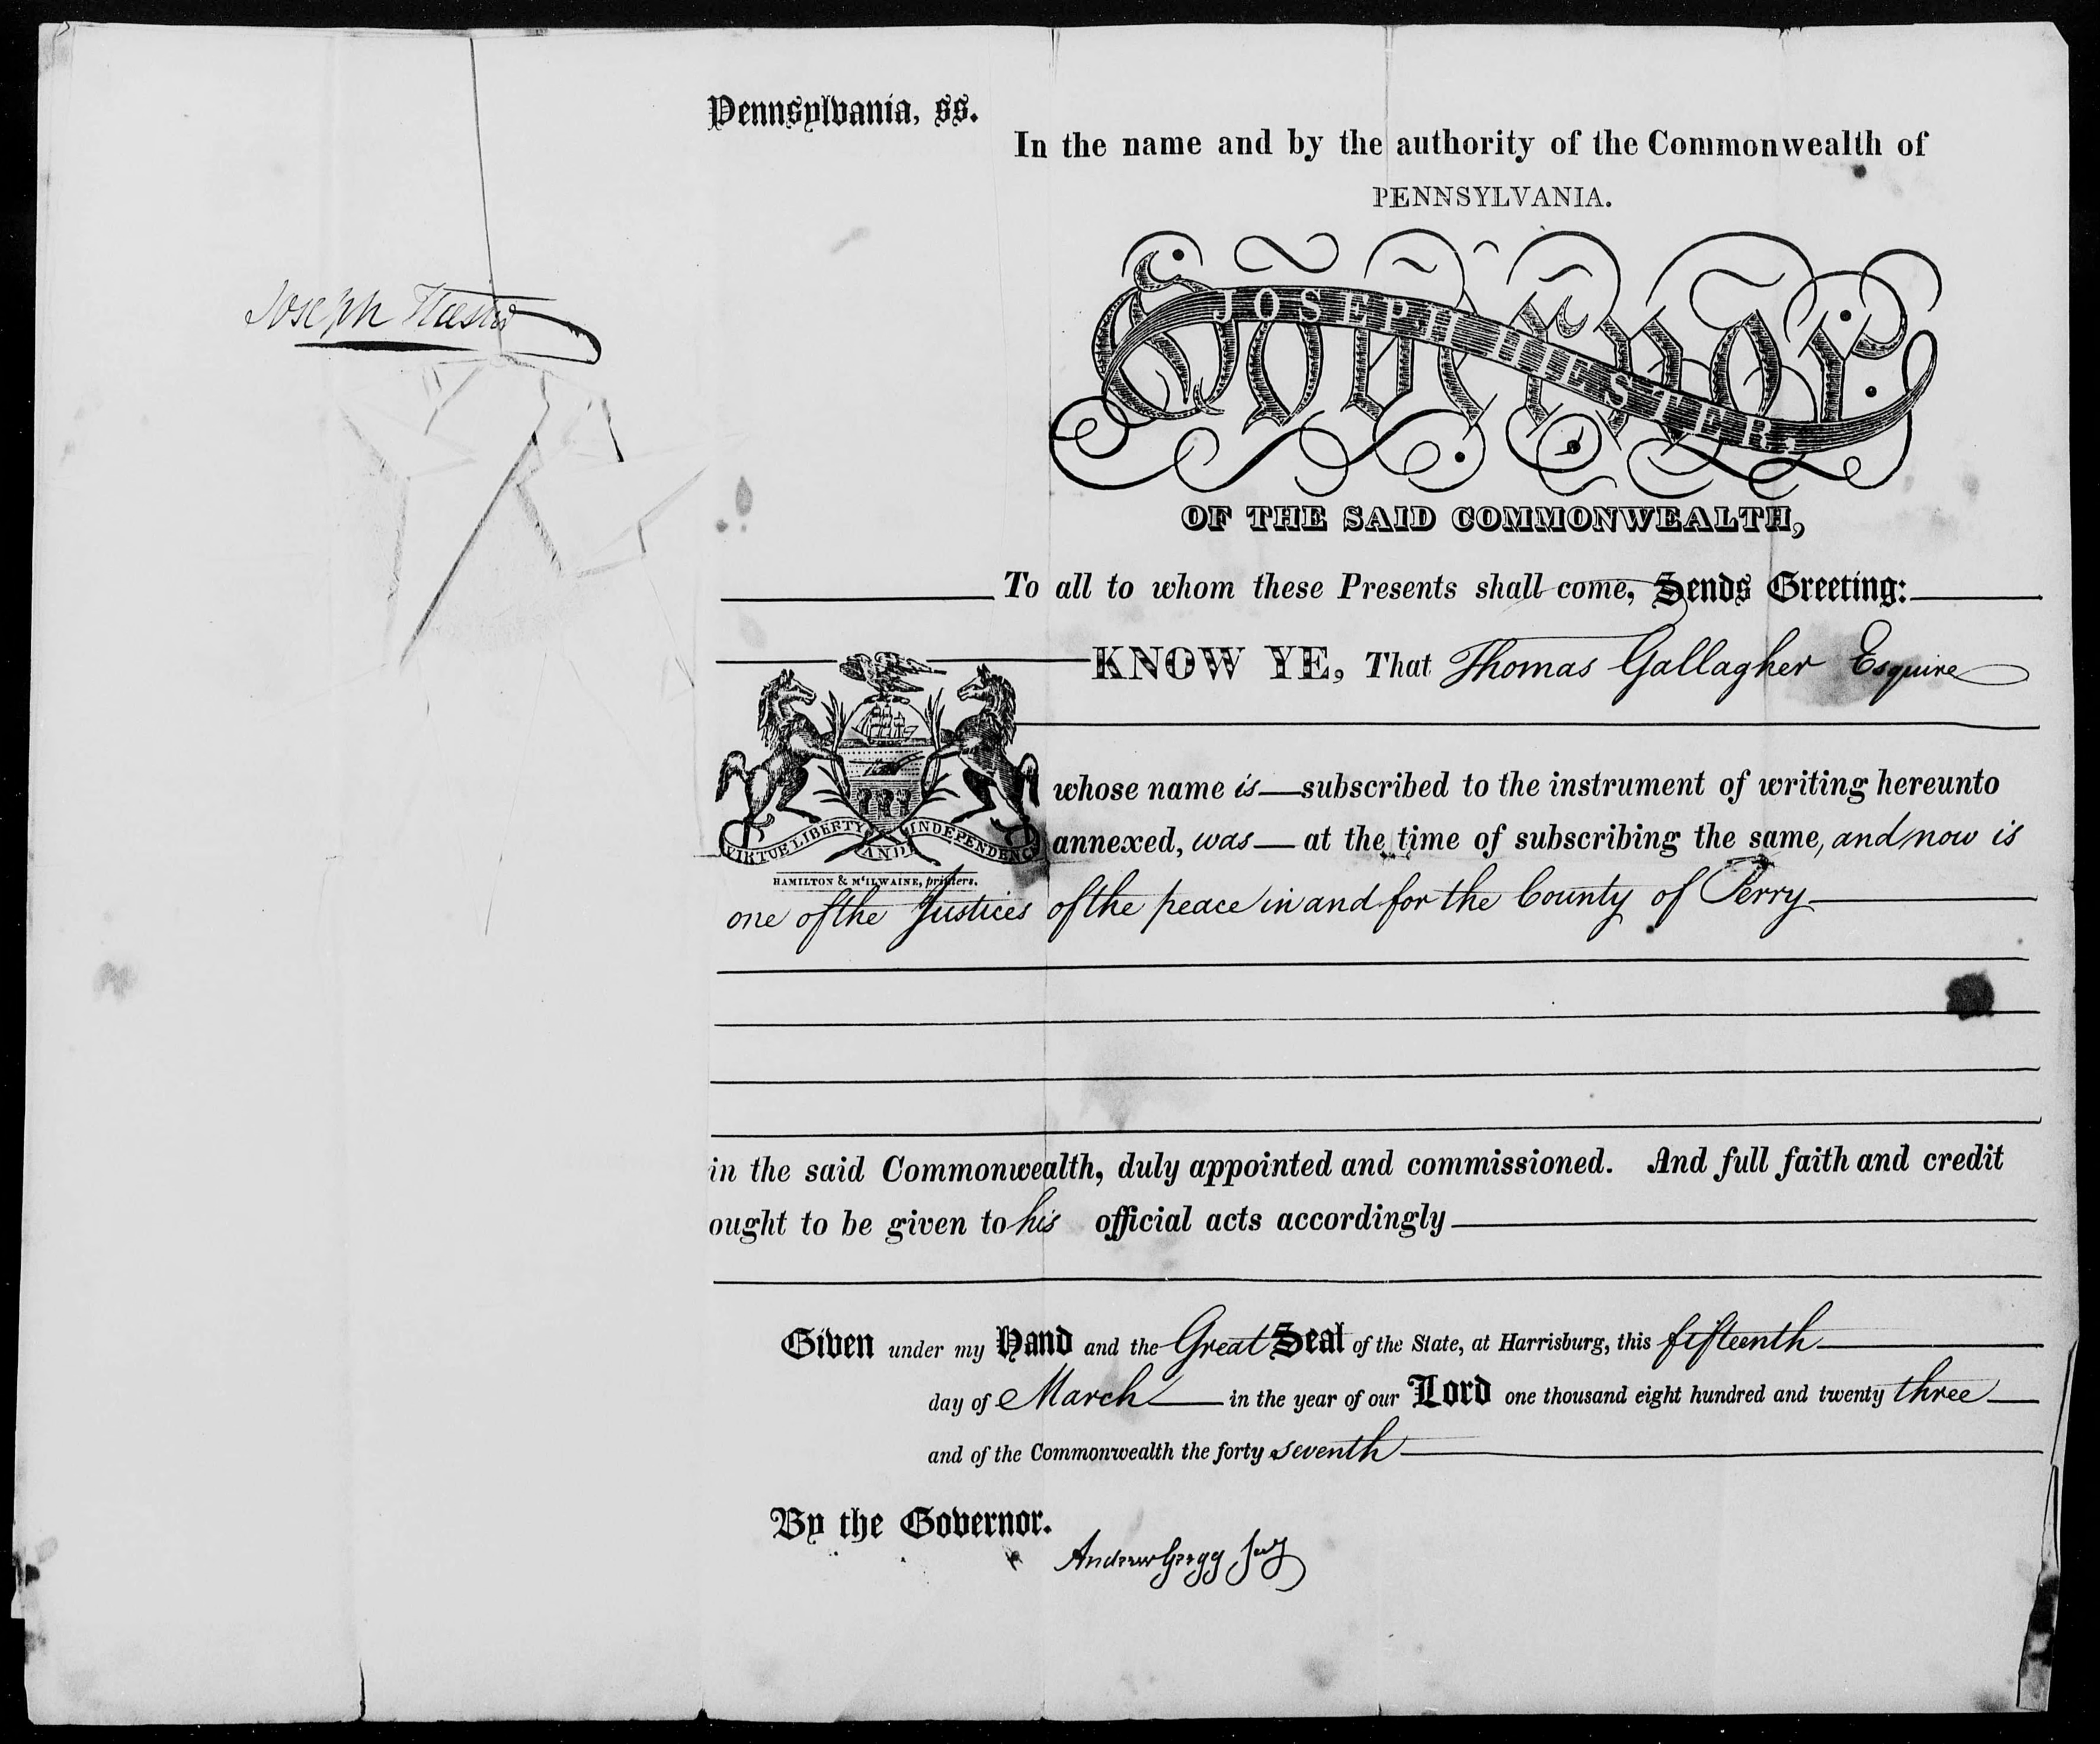(Transcriber's note: A fill-in-the-blank form from the State of Pennsylvania)

Pennsylvania, ss.

    In the name and by the authority of the Commonwealth of Pennsylvania.

Joseph Hiester Governor
for the said commonwealth,

   To all to whom these presents shall come, Sends greetings know ye, that Thomas Gallagher Esquire whose name is subscribed to the instrument of writing hereunto annexed, was at the time is subscribing the same, and now is one of the Justices of the Peace for the county of Perry in the said Commonwealth, duly appointed and commissioned.  And full faith and credit ought to be given to his official acts accordingly. 

    Given under my Hand and the Great Seal of the State, at Harrisburg, this fifteenth day of March in the year of our Lord one thousand eight hundred and twenty three and of the Commonwealth the forty seventh.

By the Governor  
//s//
Andrew Gregg Judge.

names: Thomas Gallagher; Joseph Heester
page: 14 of 14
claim: survivor's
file: S. 40242, for William Palmiteer, Pennsylvania